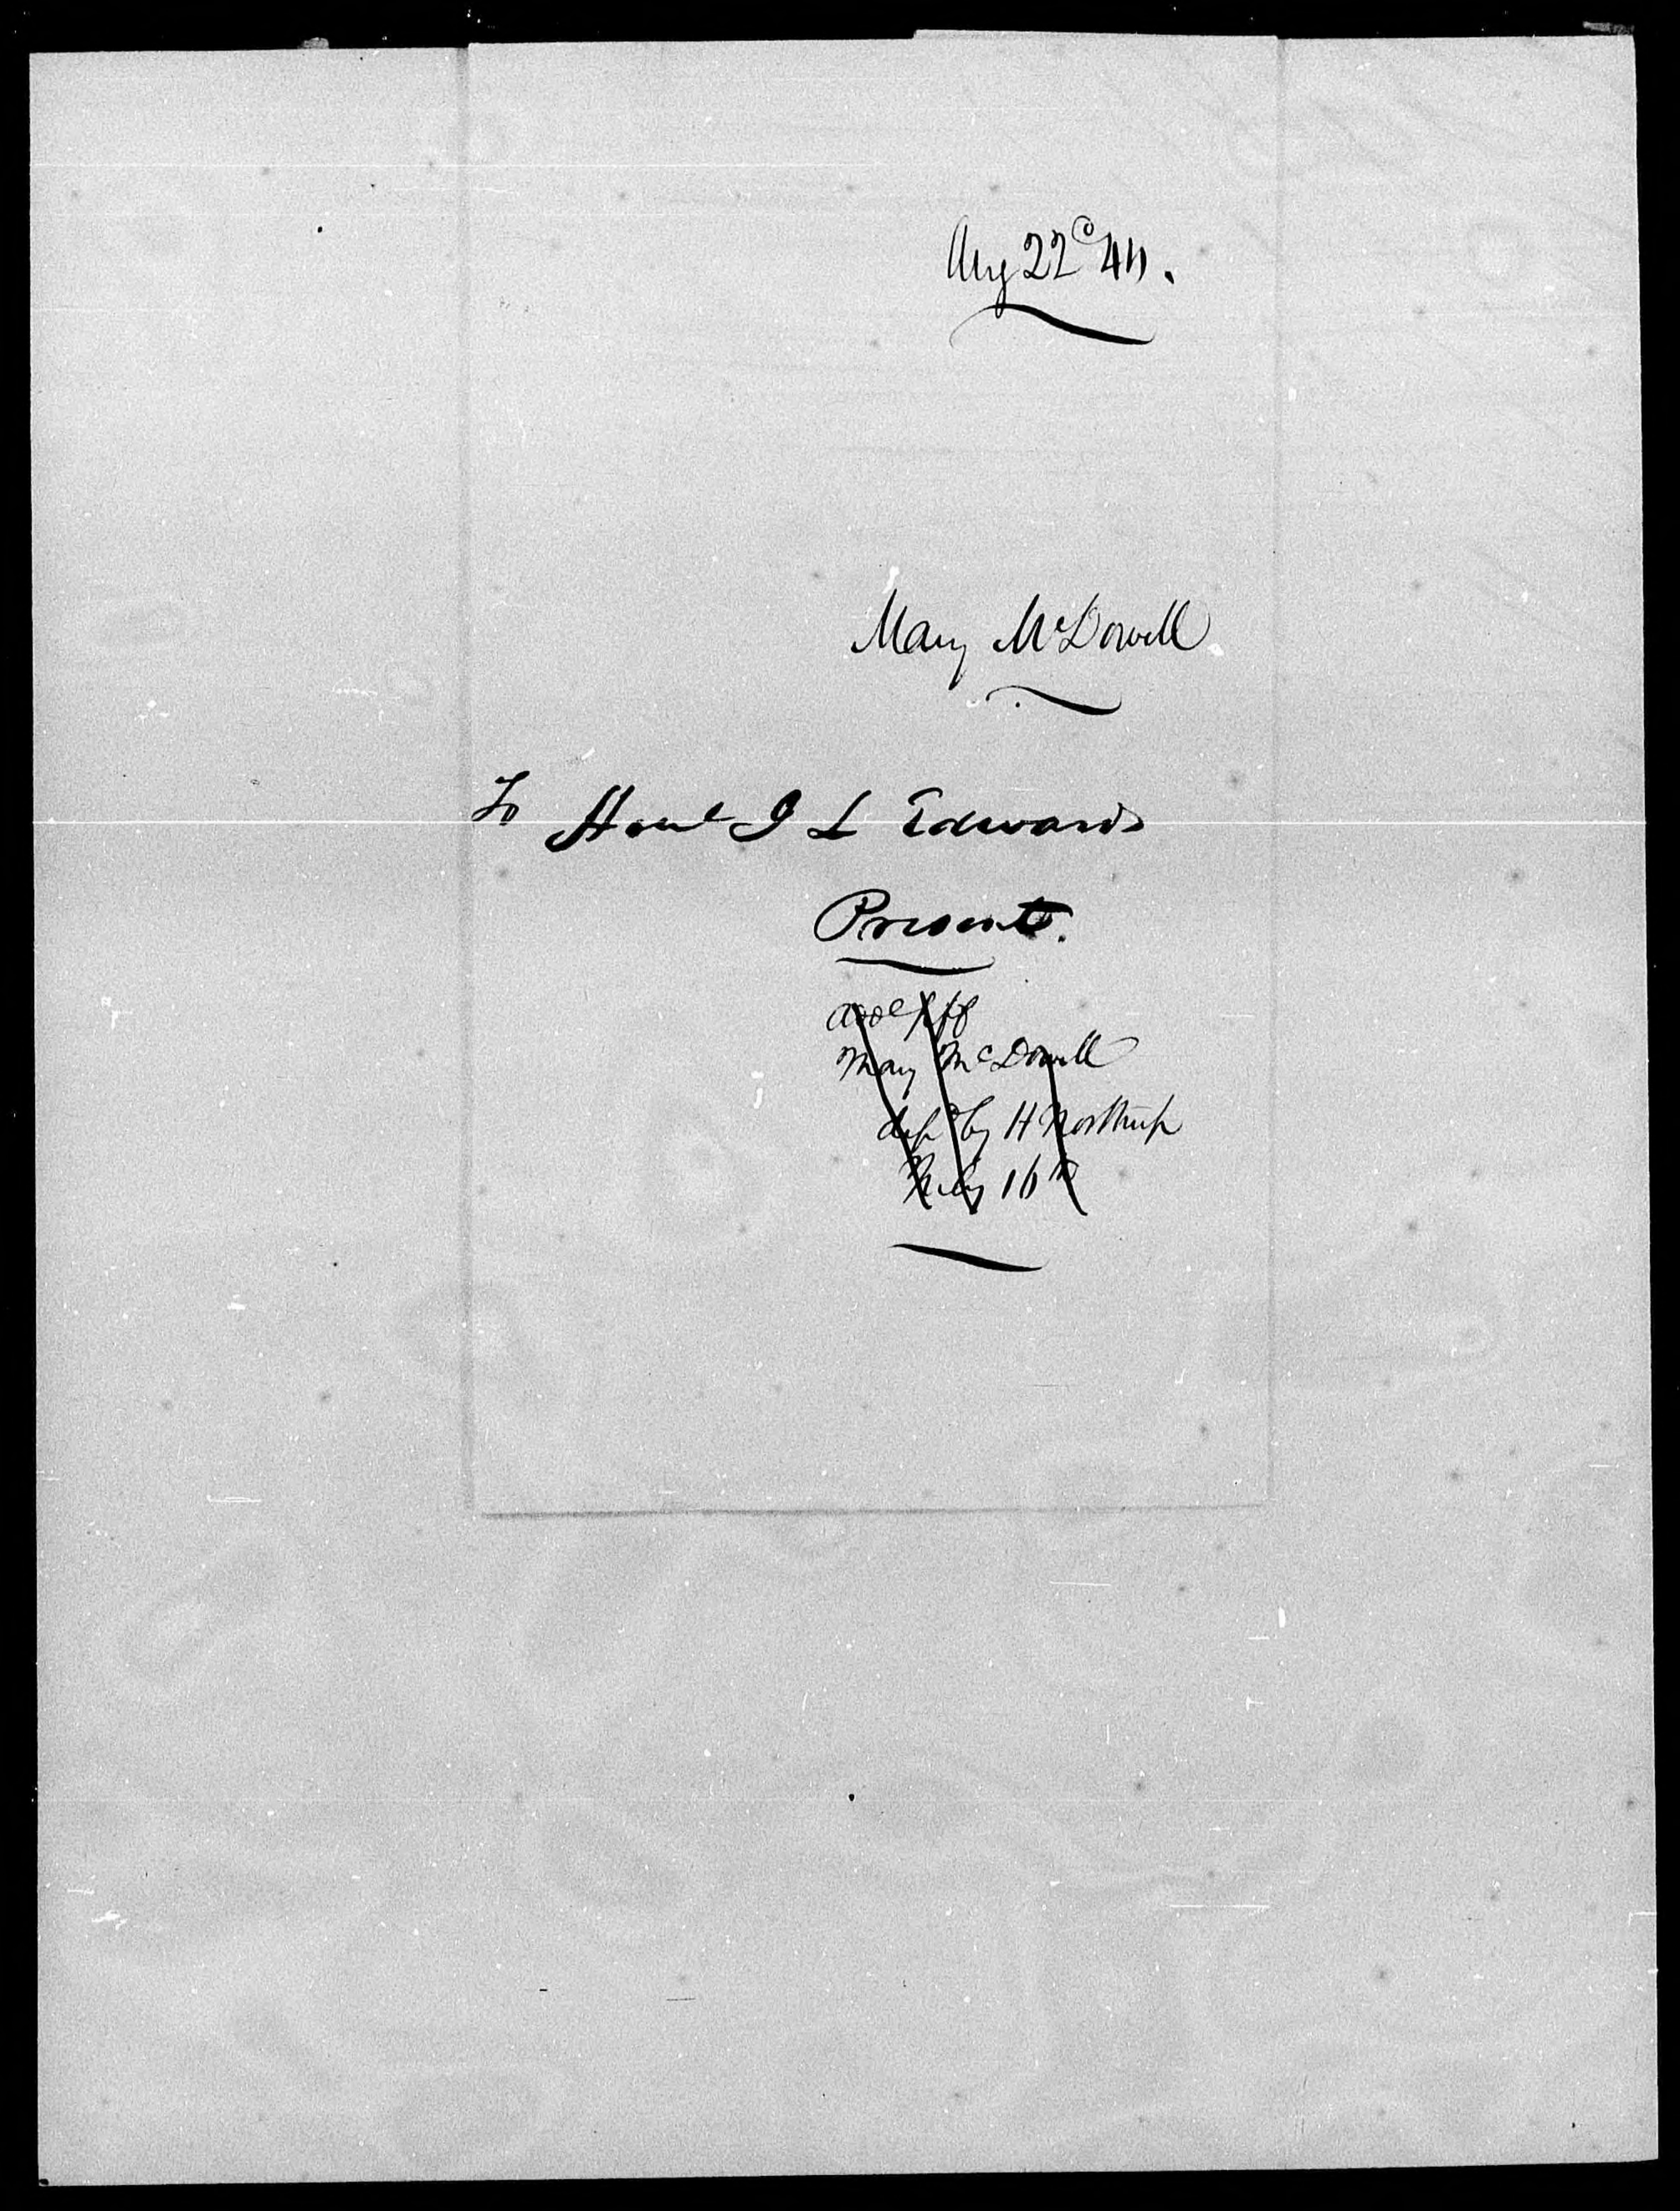Aug 22 44.

Mary McDowell
To Hon. J L Edwards
Present.
[crossed out] [illegible]
Mary McDowell
[illegible] by H Northup
July 16th [/crossed out]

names: Mary Mc Dowell; J L Edwards; H Northup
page: 48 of 63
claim: widow's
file: W 2957, for Thomas Mc Dowell, Maryland